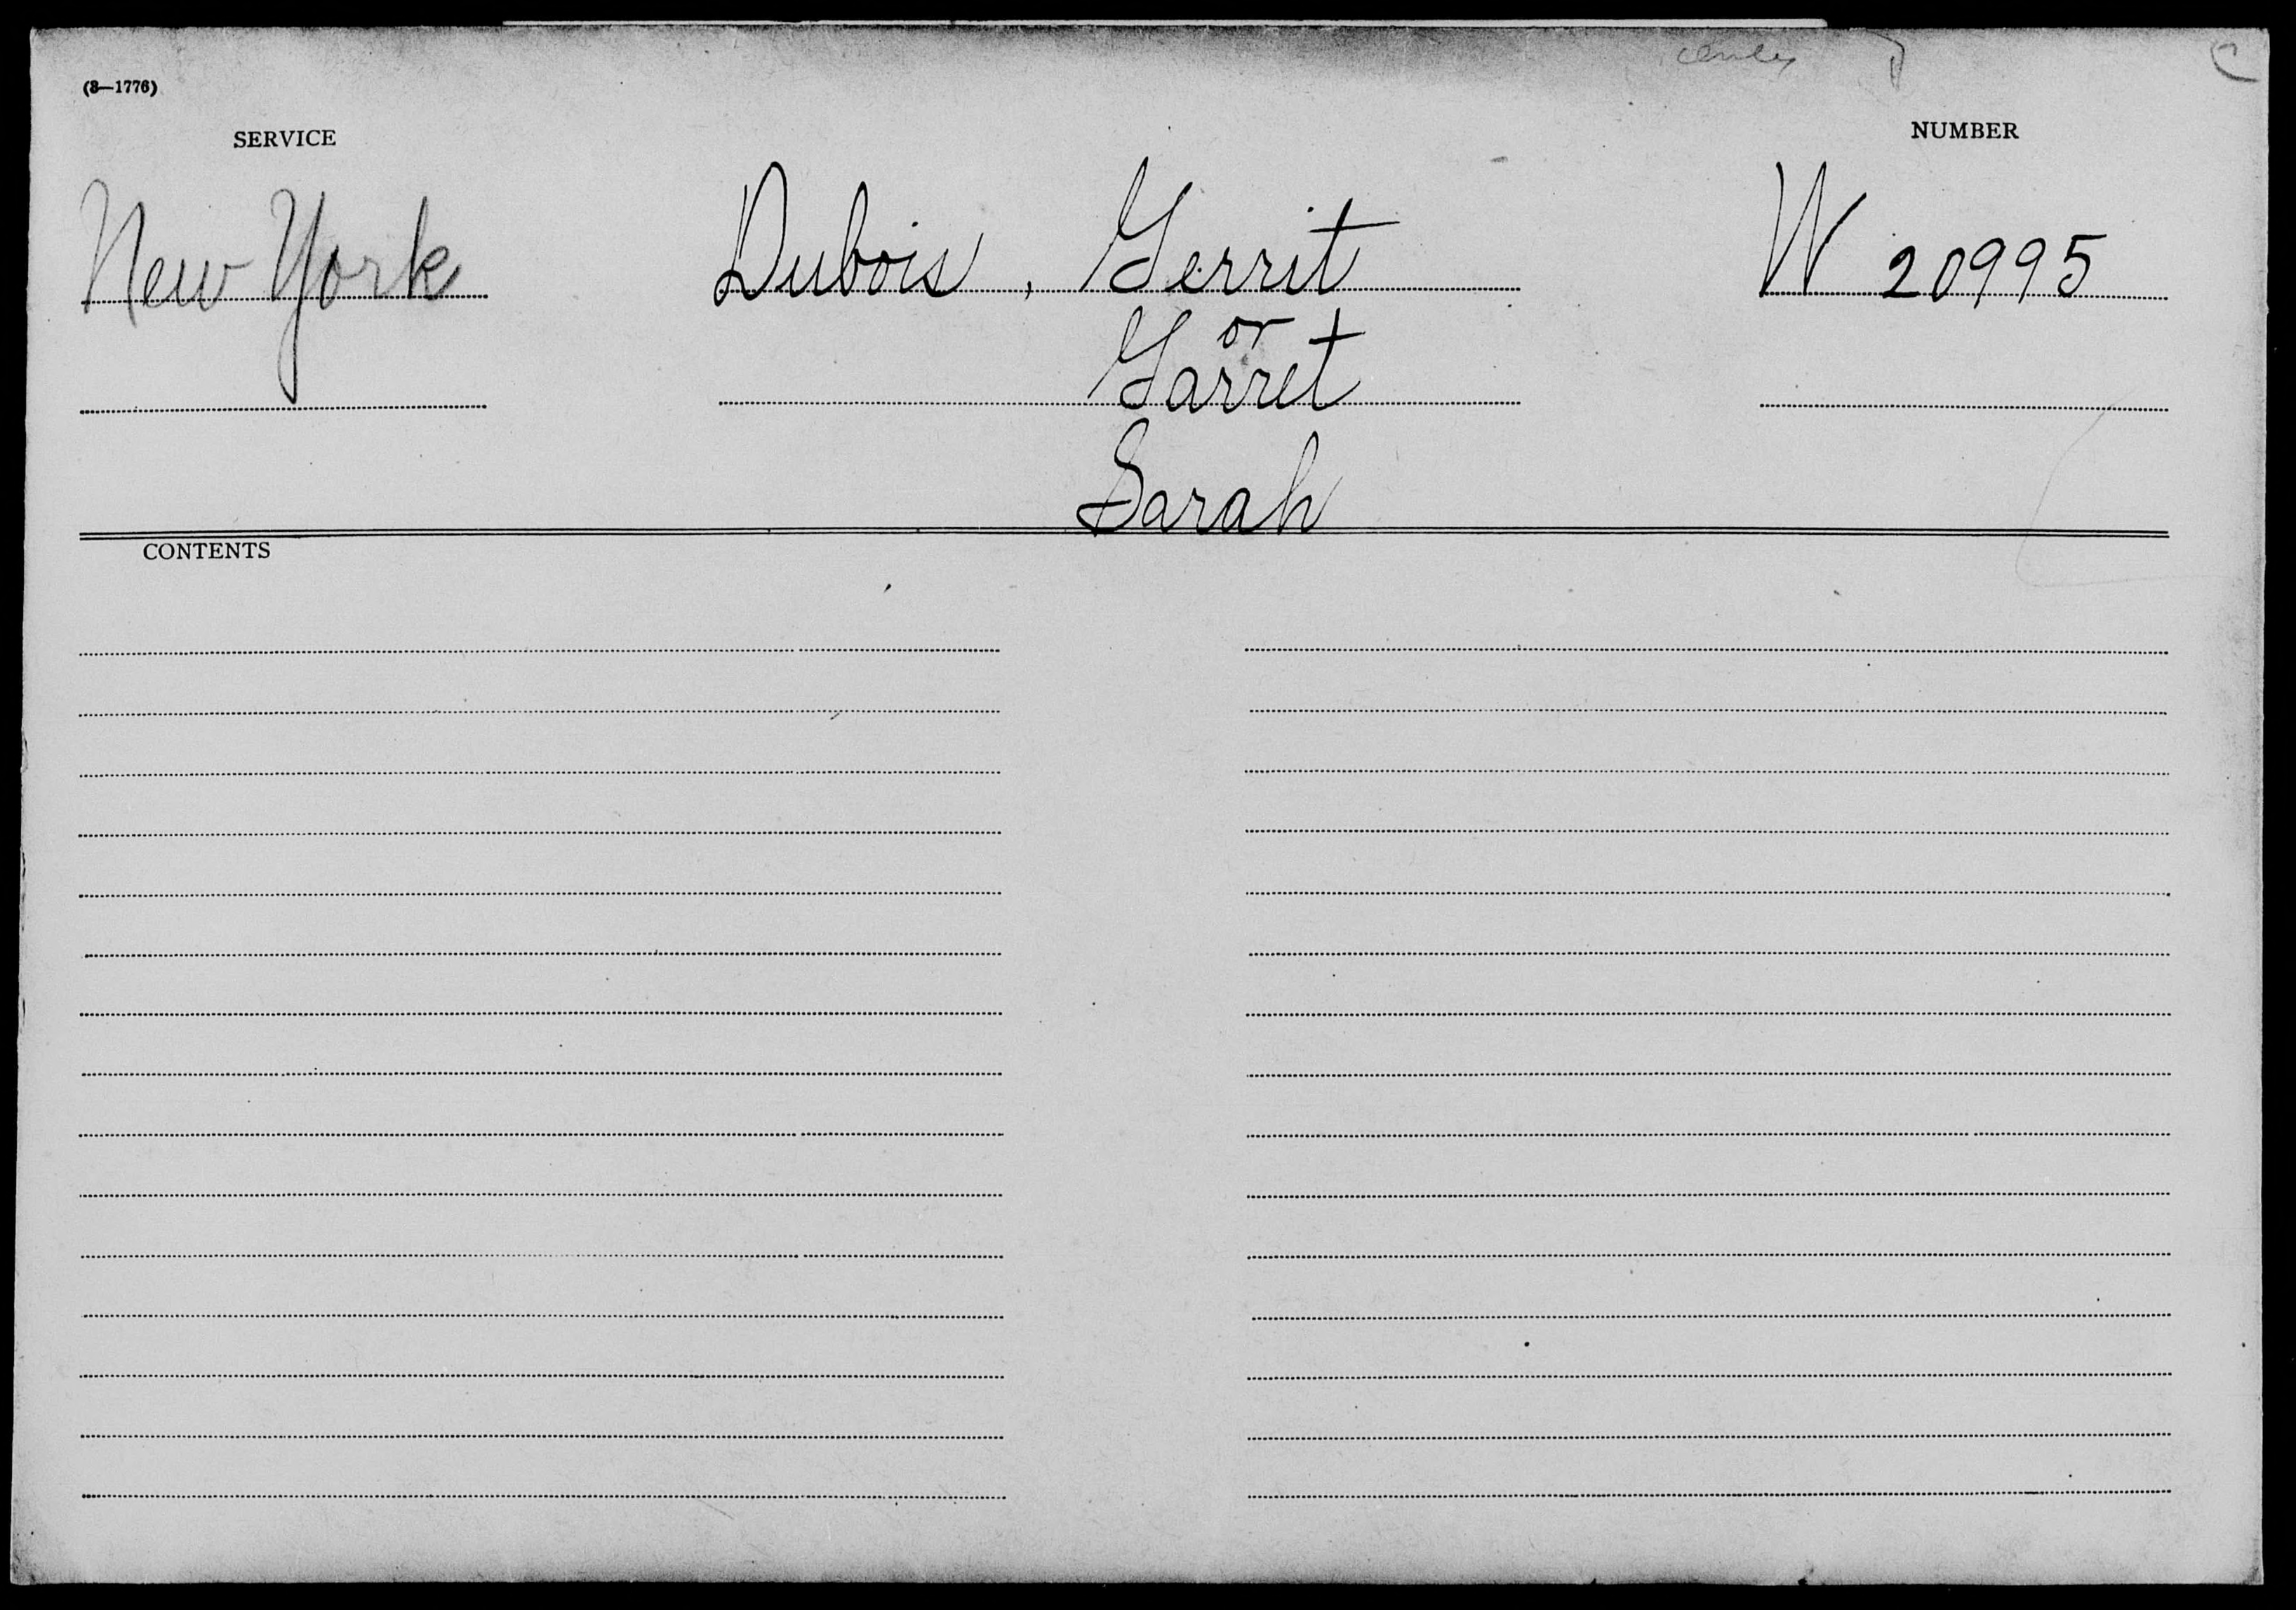(3 - 1776)
SERVICE
New York
CONTENTS
Dubois, Gerrit
or Garret
Sarah
NUMBER
W 20995
CONTENTS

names: Garret Dubois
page: 1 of 36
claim: widow's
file: W 20995, Gerrit Dubois, New York